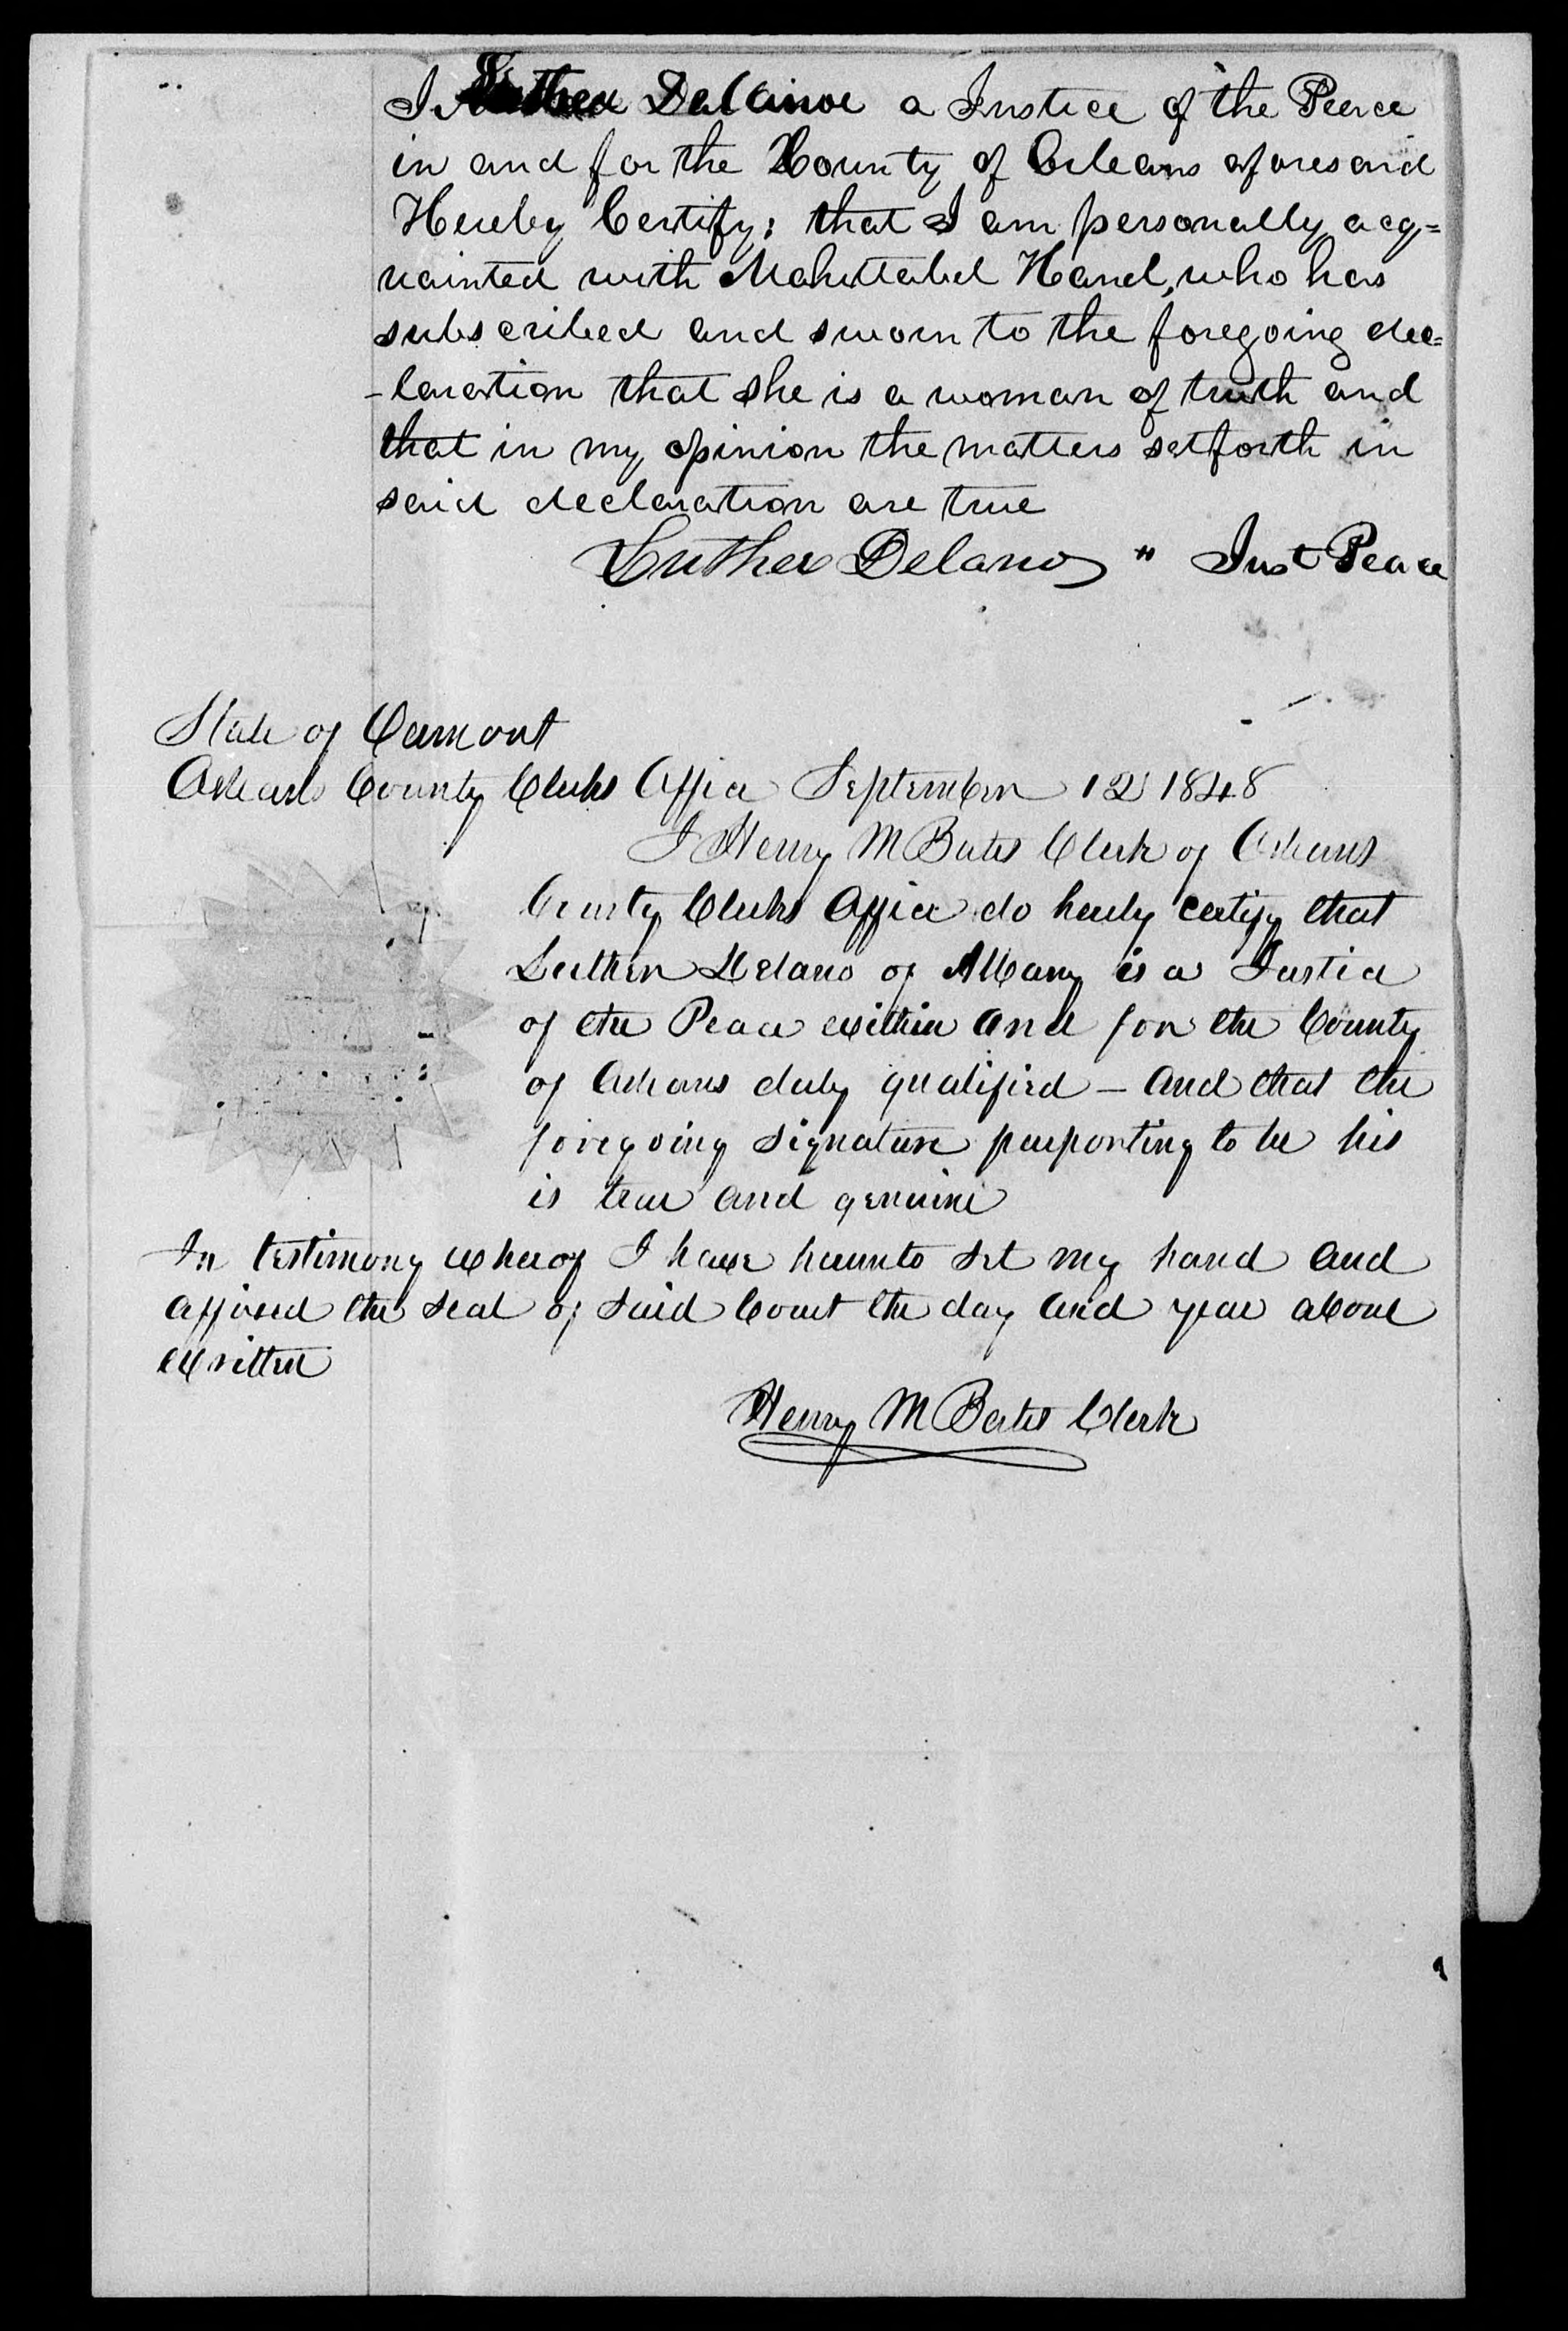I Luther Delano a Justice of the Peace
in and for the County of Orleans aforesaid
Hereby Certify, that I am personally acq
uainted with Mahitabel Hand, who has
subscribed and sworn to the foregoing dec-
-laration that she is a woman of truth and
that in my opinion the matters set forth in
said declaration are true
Luther Delano
Justice Peace
Camont
County Clerk's Office September 12 1848
County Clerk's Office do hereby certify that
Luther Delano of Albany is a Justice
of the Peace within and for the County
of Adams duly qualified, and that the
foregoing signature purporting to be his
is true and genuine
In testimony whereof I have hereunto set my hand and
affixed the seal of said Court the day and year above
written
Henry M Bates Clerk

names: Luther Delano, Henry M Bates, Luther Delano, Mahittabel Hand, Luther Delanoe, Henry M Bates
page: 27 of 42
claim: widow's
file: W. 19,722, Ira Hand, N.H. Vt.